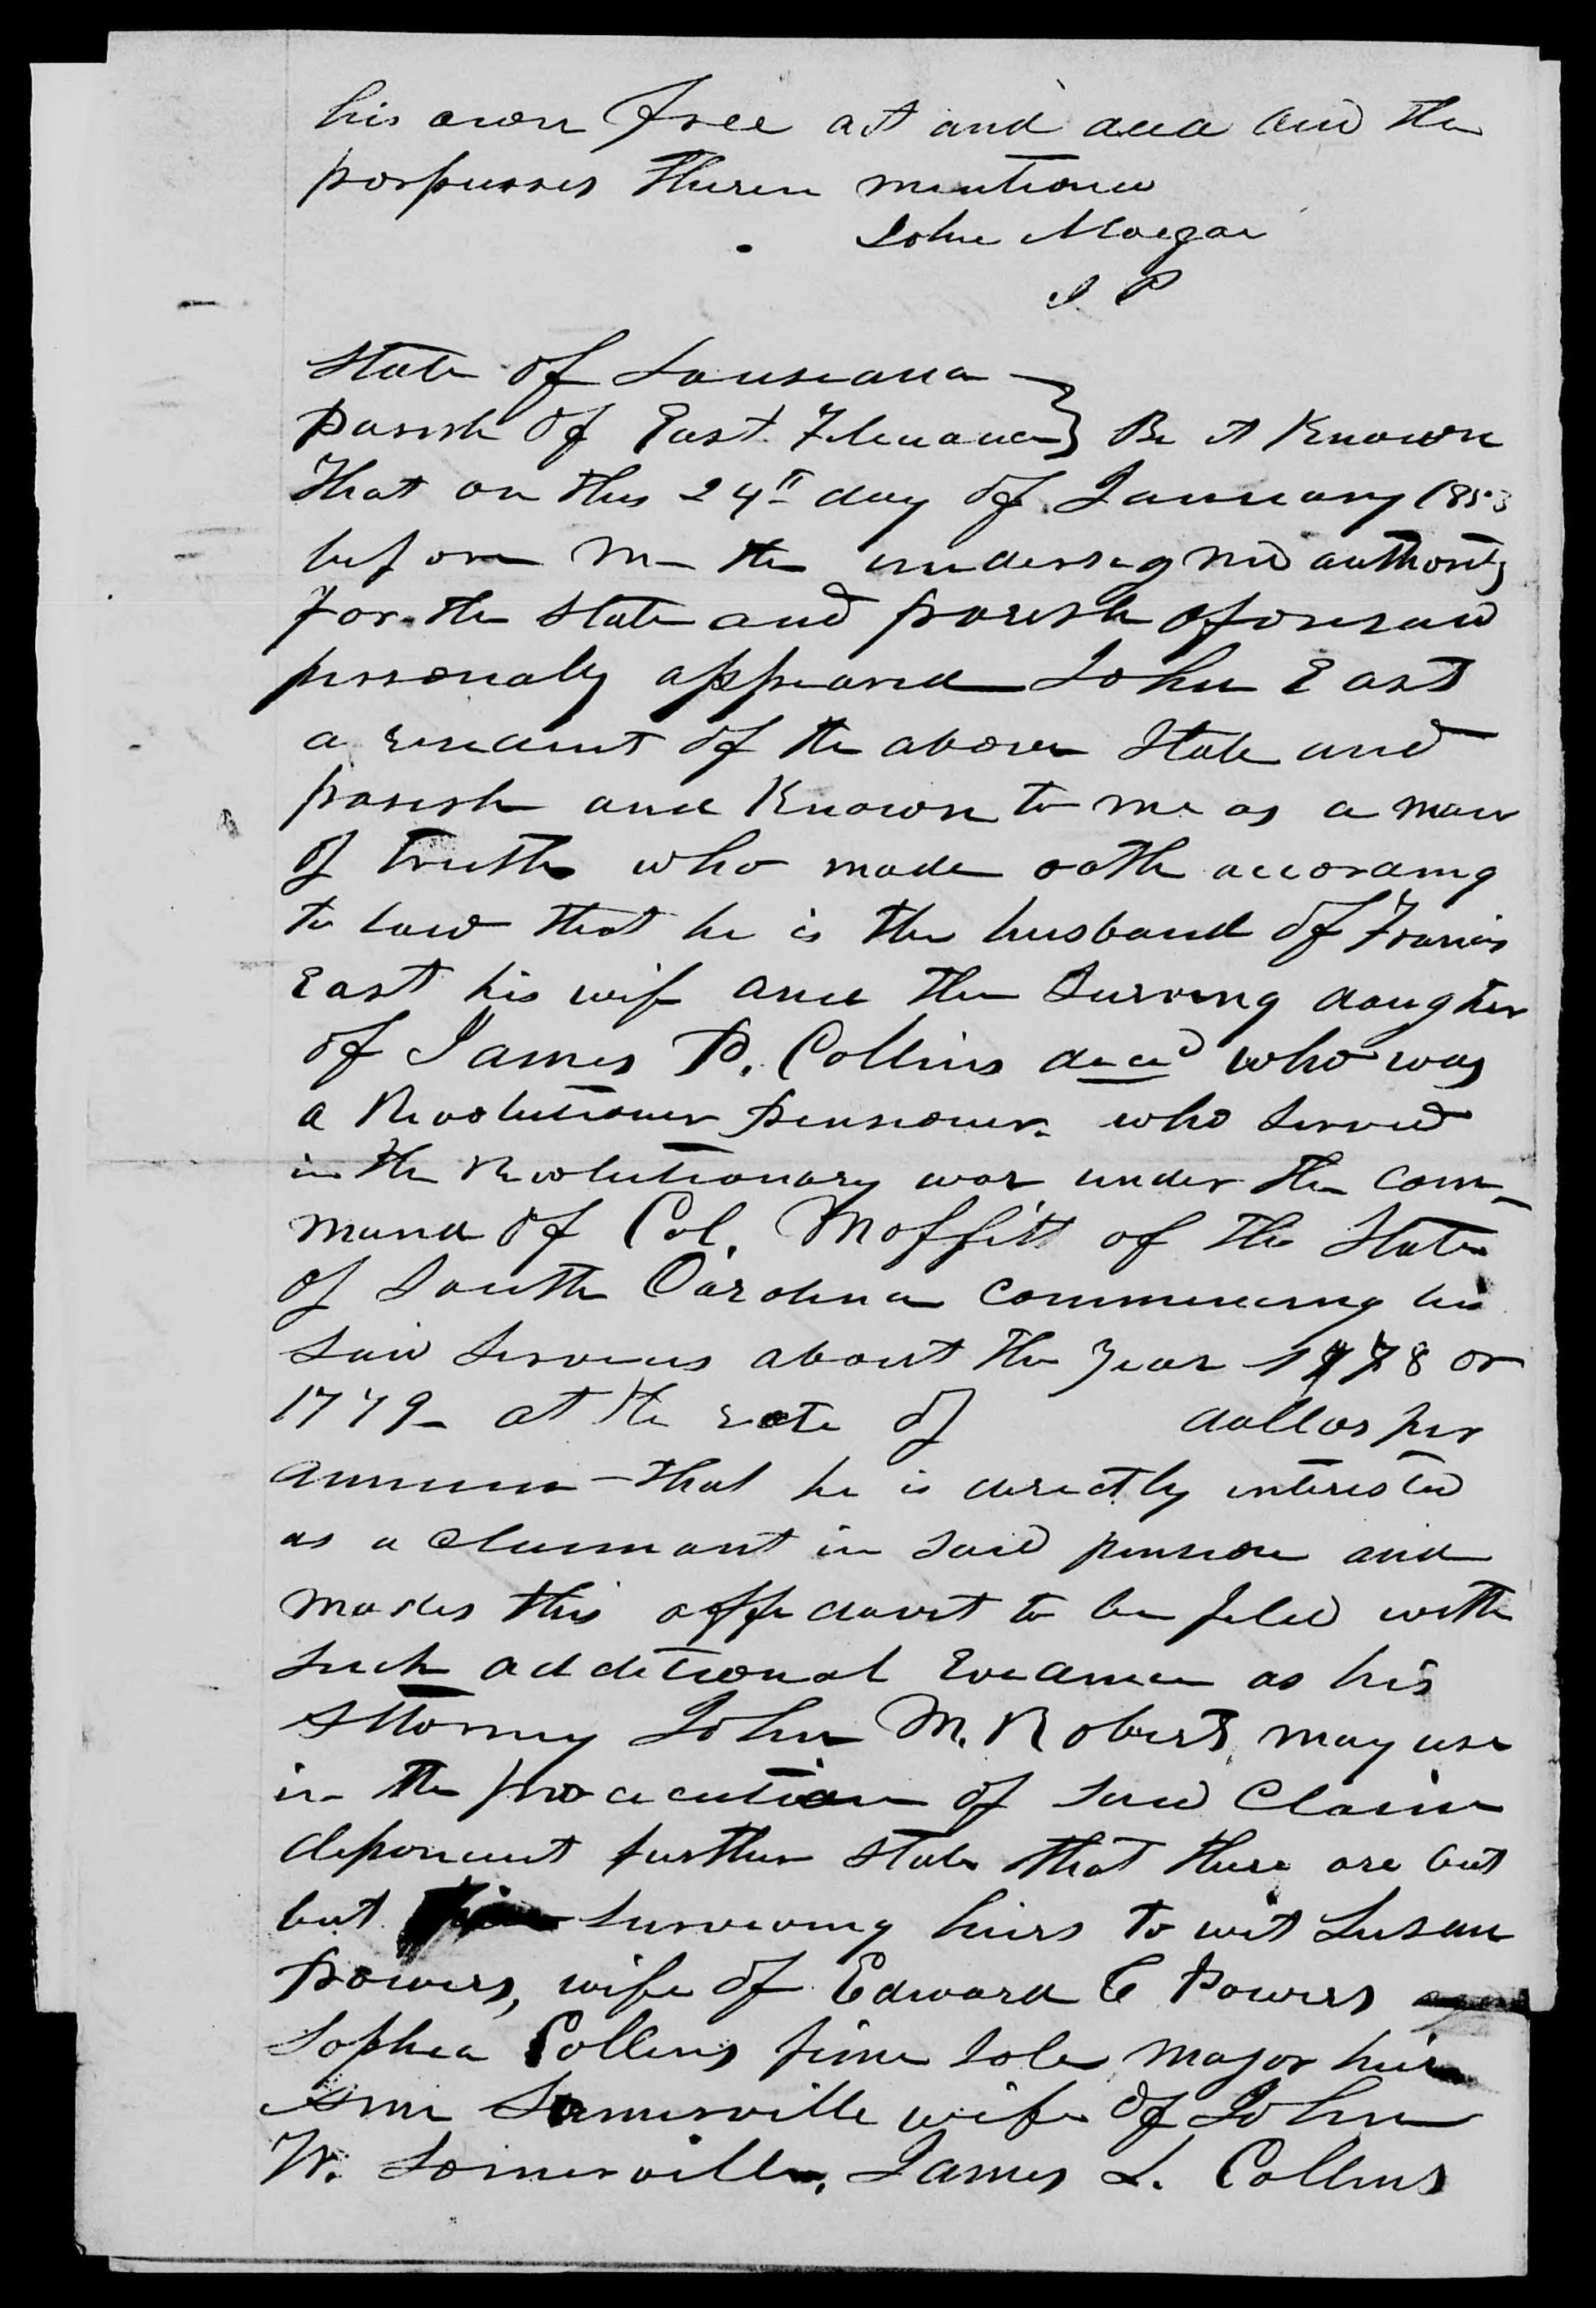his own free act and deed and for the purposes therein mentioned
John Morgan J.P.

State of Louisiana
Parish of East Feliciana ⎬ 
Be it known That on this 24th day of January 1853 before me the undersigned authority for the State and parish aforesaid personally appeared John East a resident of the above state and parish and known to me as a man of truth who made oath according to law that he is the husband of Francis East his wife and the surviving daughter of James P. Collins decd who was a Revolutionary  pensioner who served in the revolutionary war under the command of Col. Moffitt of the State of
South Carolina commencing said services about the year 1778 or 1779 at the rate of --- dollars per
annum - that he is directly interested as a claimant in said pension and makes this affidavit to be filed with such additional evidence as his Attorney John M. Robert may use in the prosecution of said claim.

Deponent further state that there are but [illegible due smudge] surviving heirs to wit Susan
Powers, wife of Edward C. Powers, Sophia Collins [illegible] Ann Somerville wife of John W. Somerville James L. Collins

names: James L Collins, Francis East, Moffitt, John M Roberts, Edward C Powers, James P Collins, John Morgan, Ann Sumerville, John East, Susan Powers, Sophia Collins, John W Somerville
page: 18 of 48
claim: rejected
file: R. 2173, James P Collins, S. C.